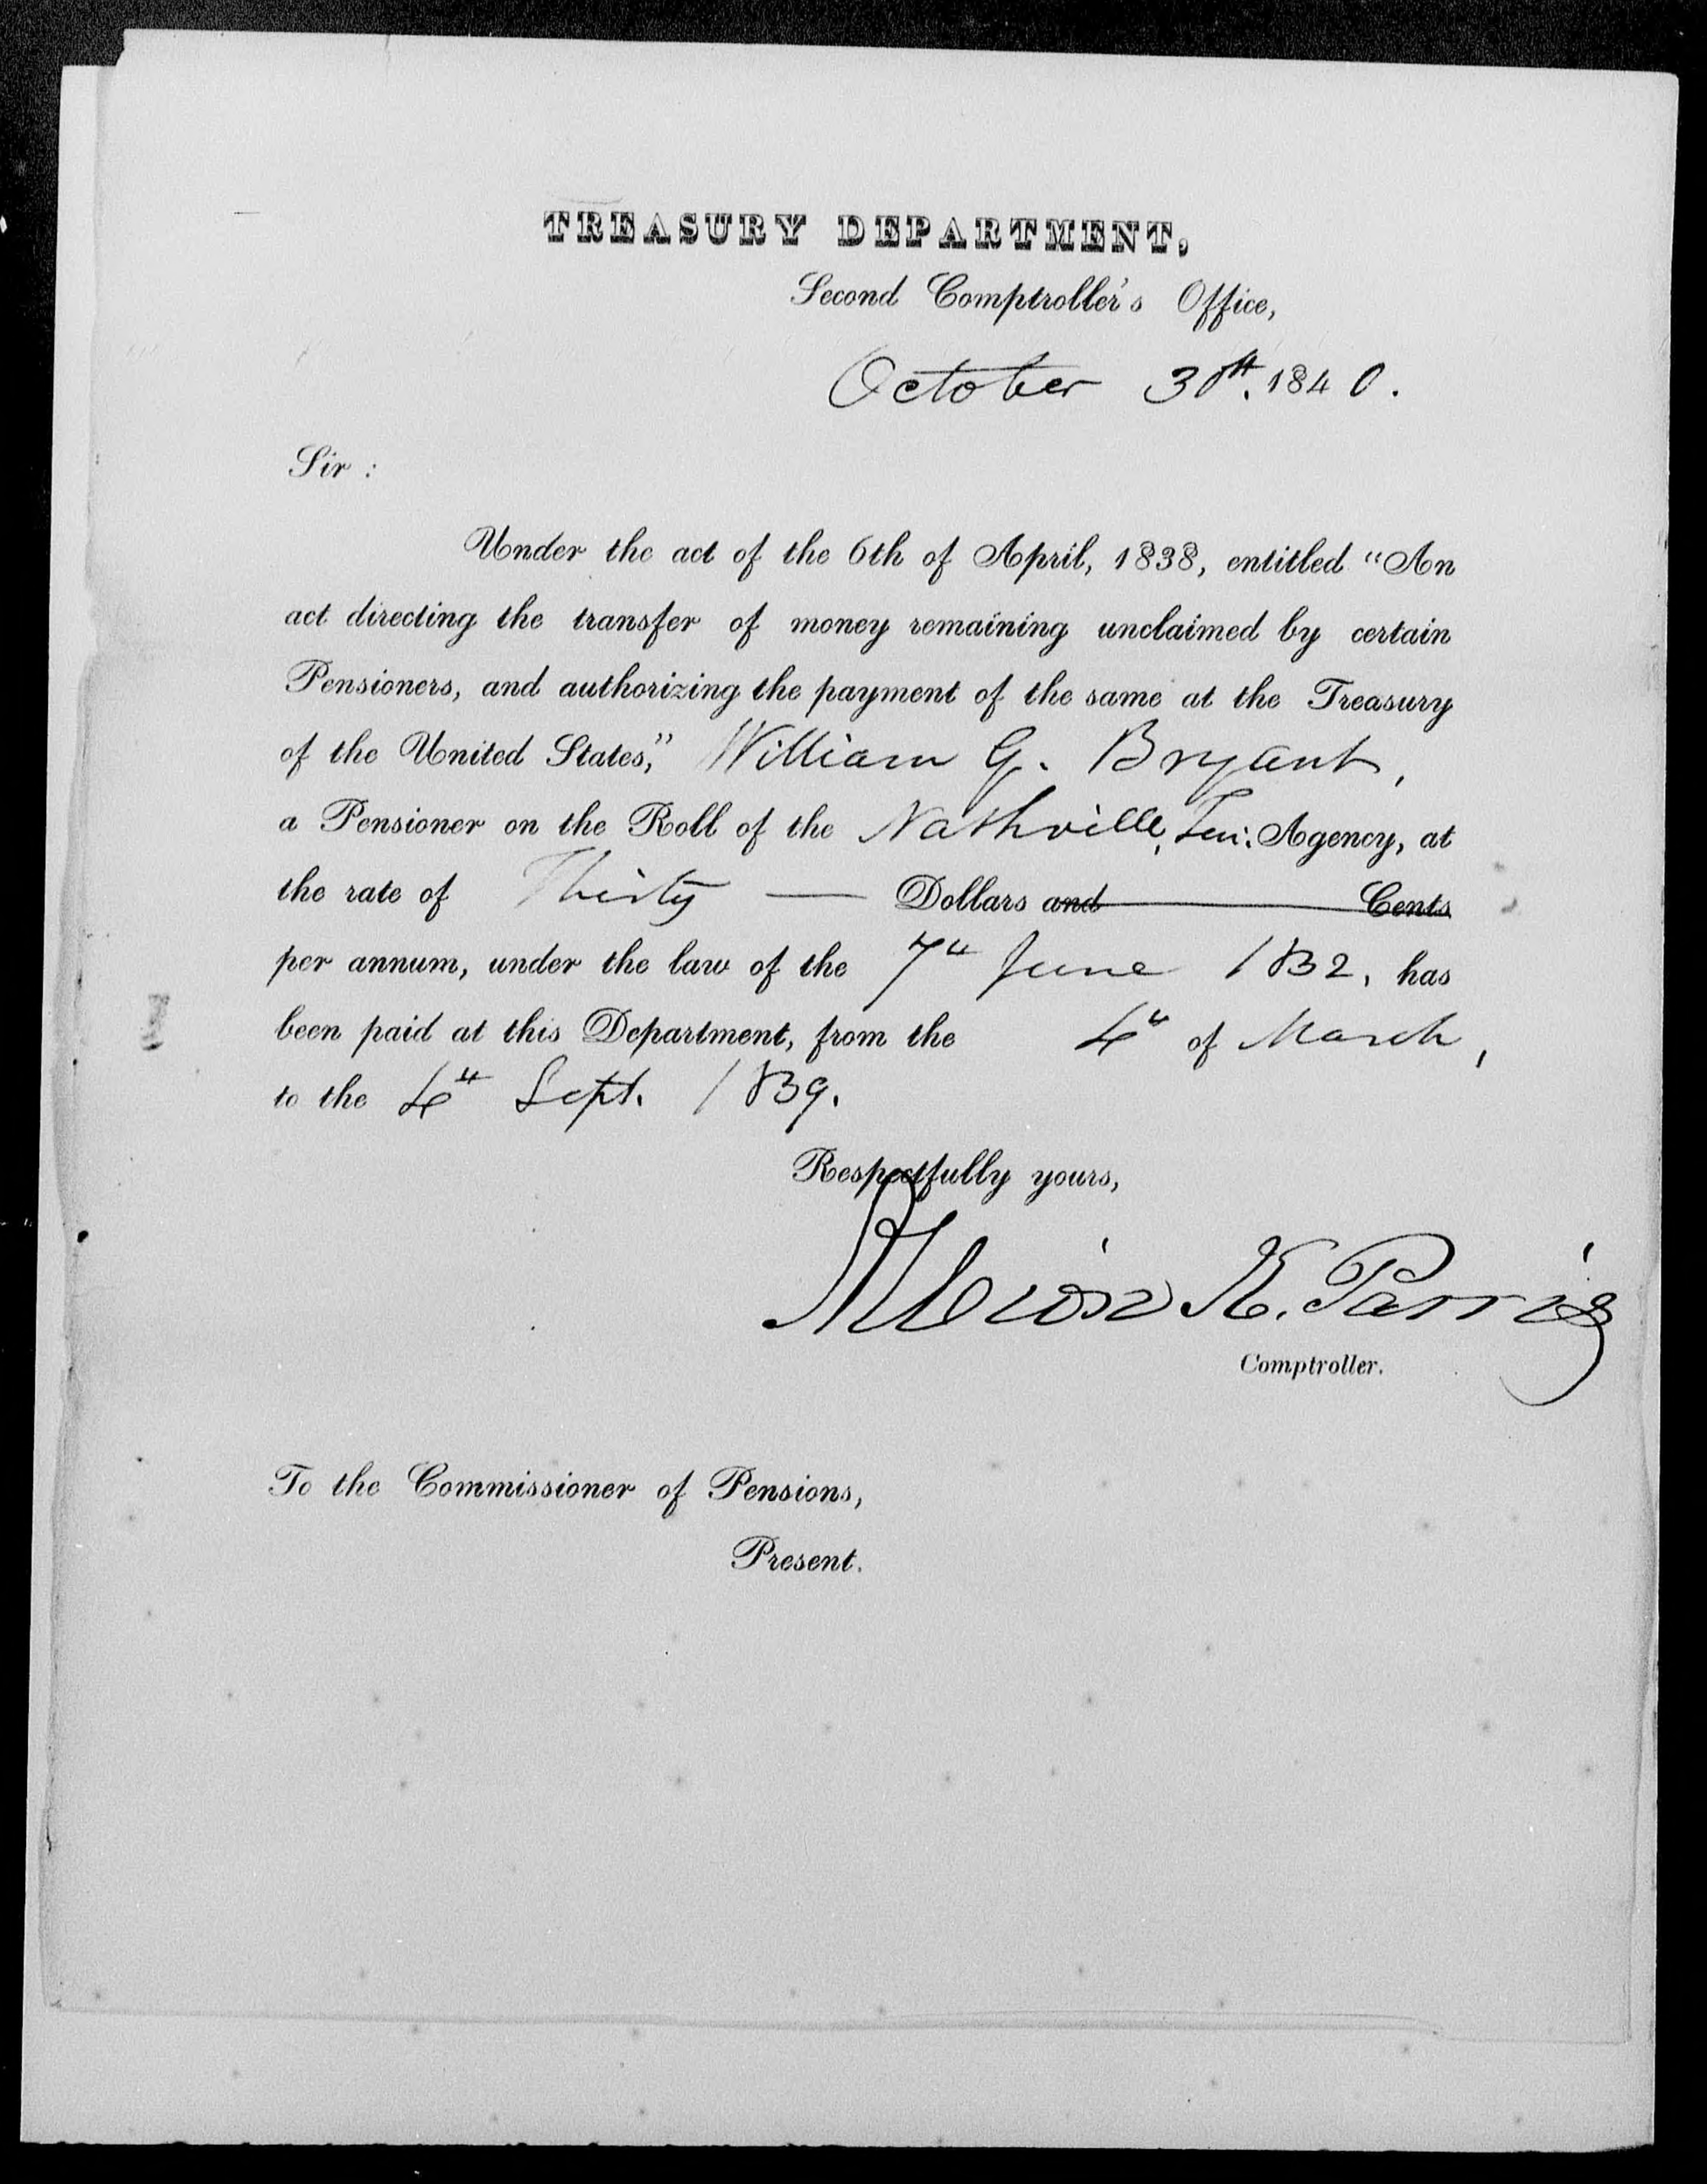TREASURY DEPARTMENT
Second Comptroller's Office,
October 30th , 1840


Sir:
Under the act of the 6th of April, 1838, entitled "An act directing the transfer of money remaining unclaimed by certain Pensioners, and authorizing the payment of the same at the Treasury of the United States," William G. Bryant, a Pensioner on the Roll of the Nashville, Ten. Agency, at the rate of Thirty Dollars and - Cents per annum, under the law of the 7th June 1832, has been paid at this Department, from the 4th of March to the 4th Sept. 1839.
Respectfully yours,
Albion K. Parris
Comptroller

To the Commissioner of Pensions,
Present.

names: Albion K Parris, William G Bryant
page: 23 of 31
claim: survivor's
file: S. 3049, William G Bryant, Va.